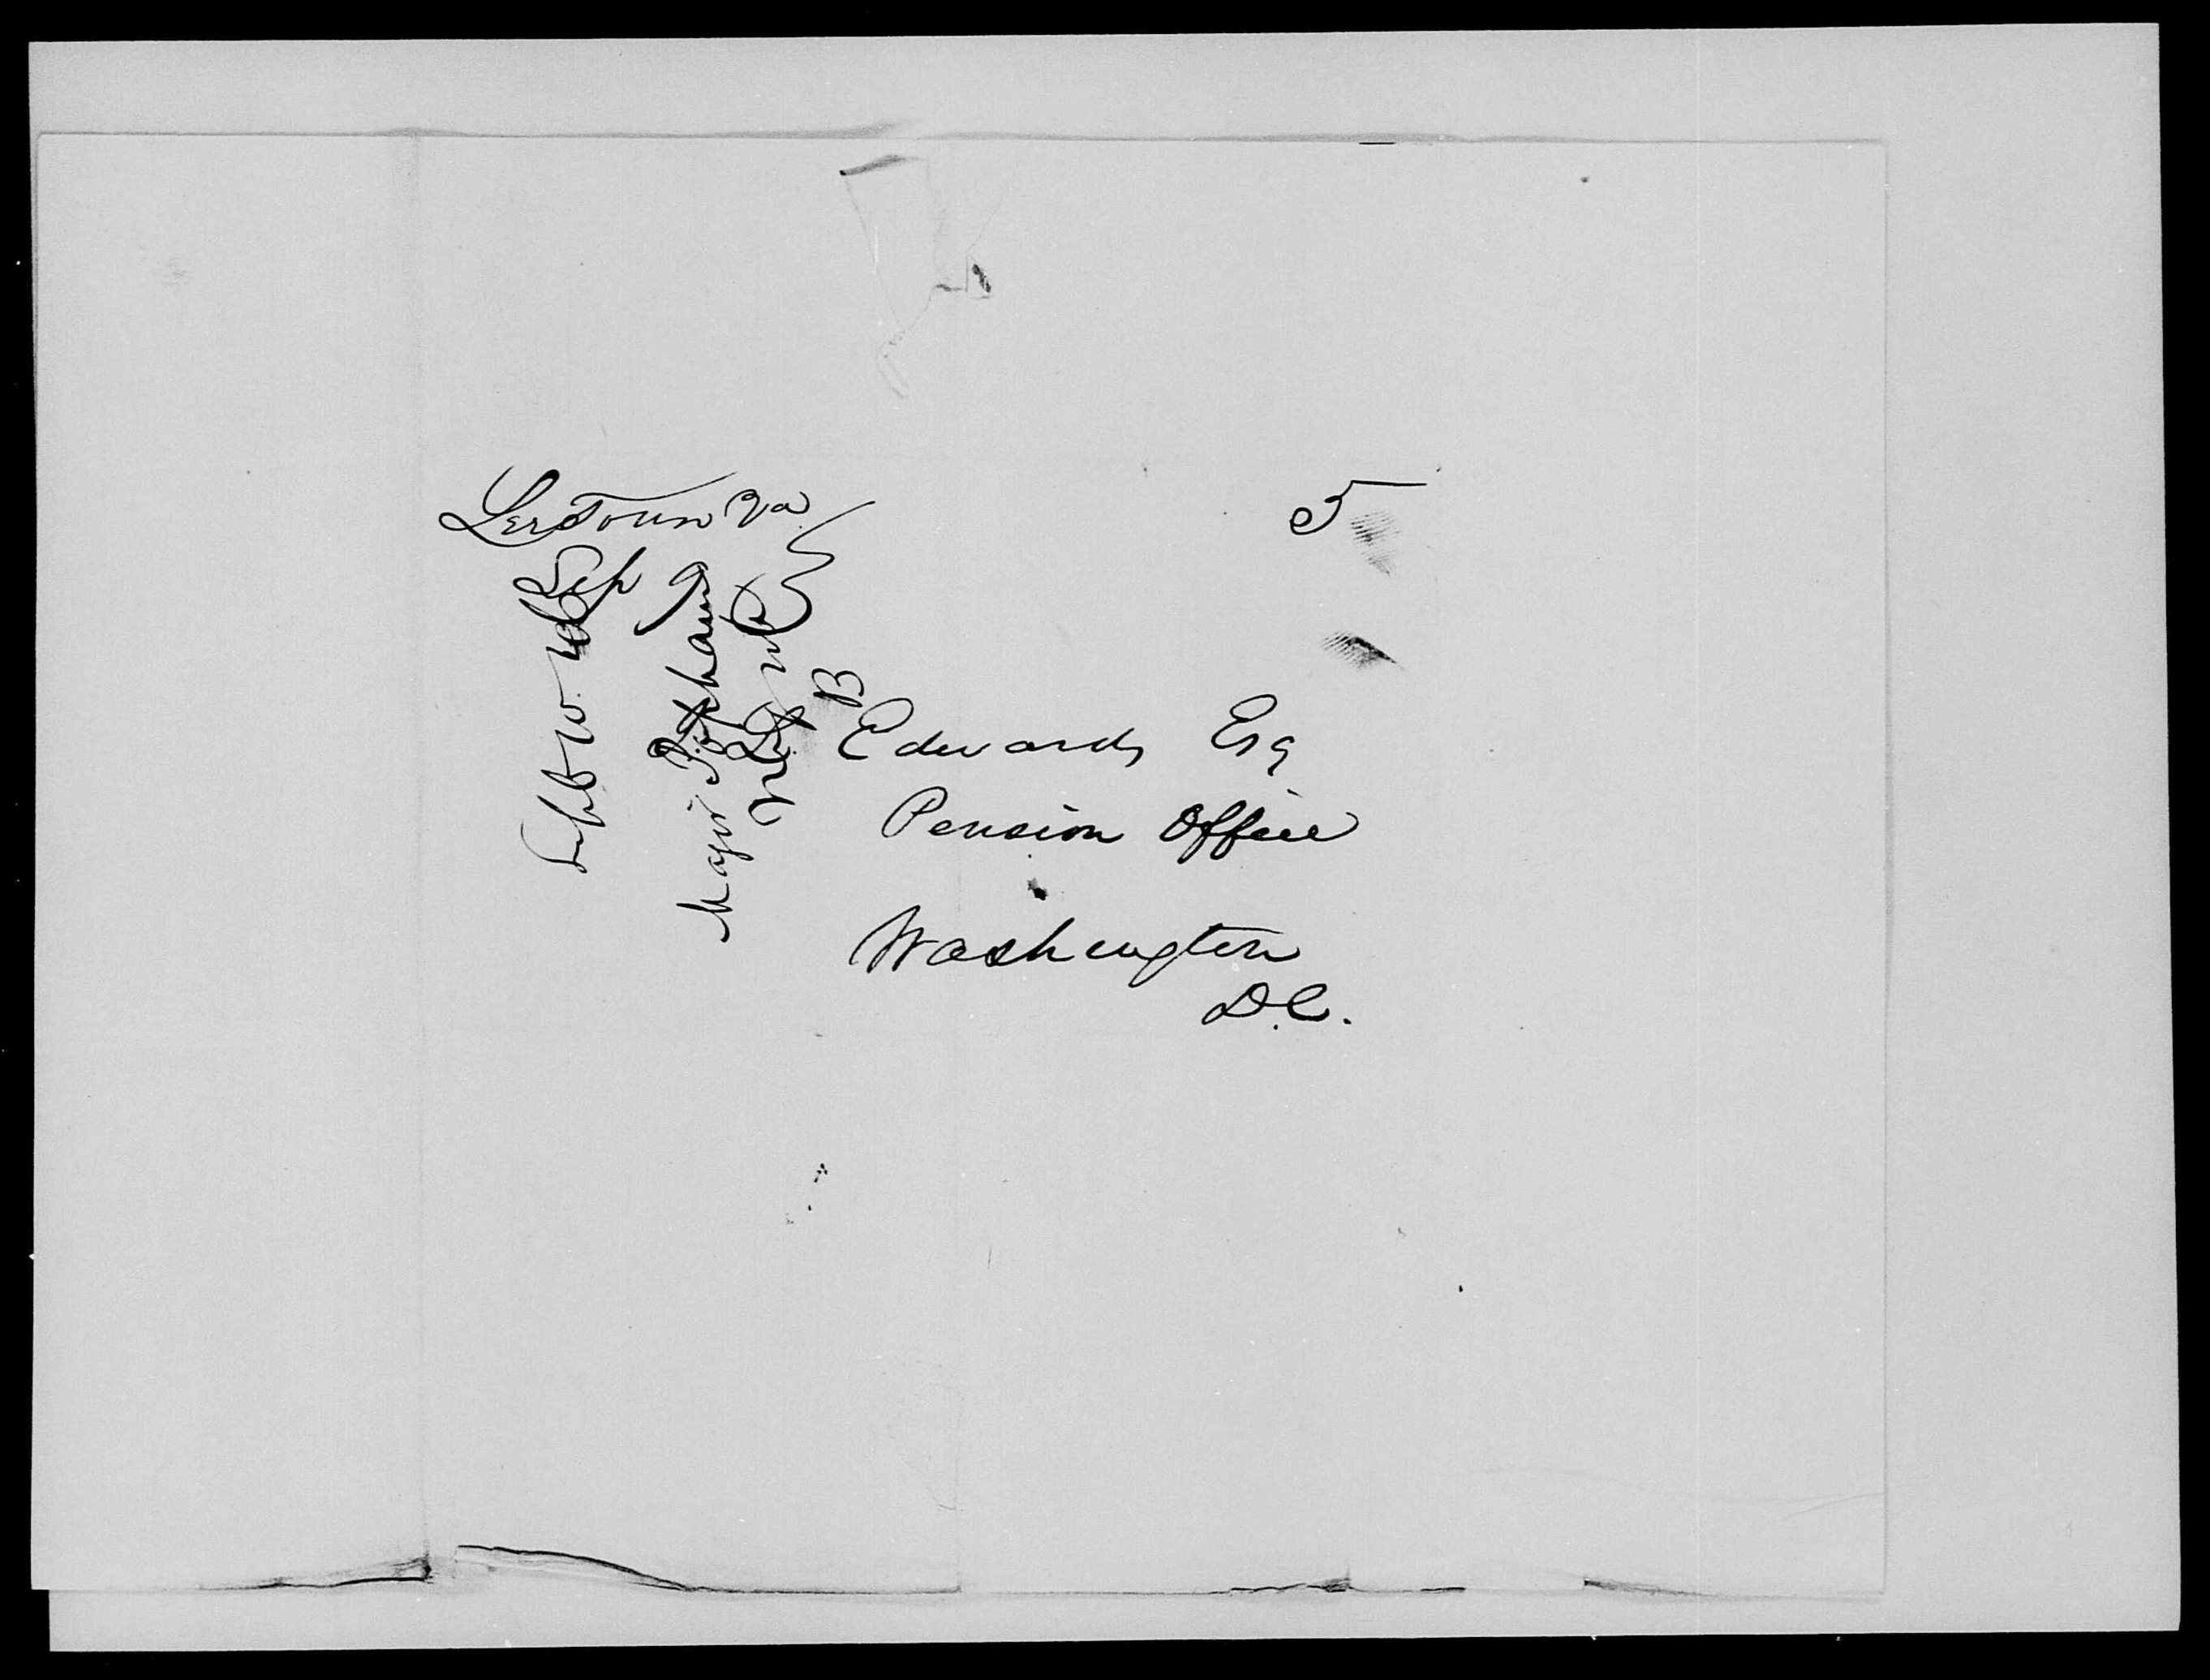J L Edwards Esq
Pension Office
Washington D.C.

Lordtown VA    5
Sep 9 3
Major Popham
NY
Lhbw [illegible]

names: J L Edwards; [BLANK] Popham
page: 19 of 75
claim: survivor's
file: S. 9989, for William Popham, Delaware